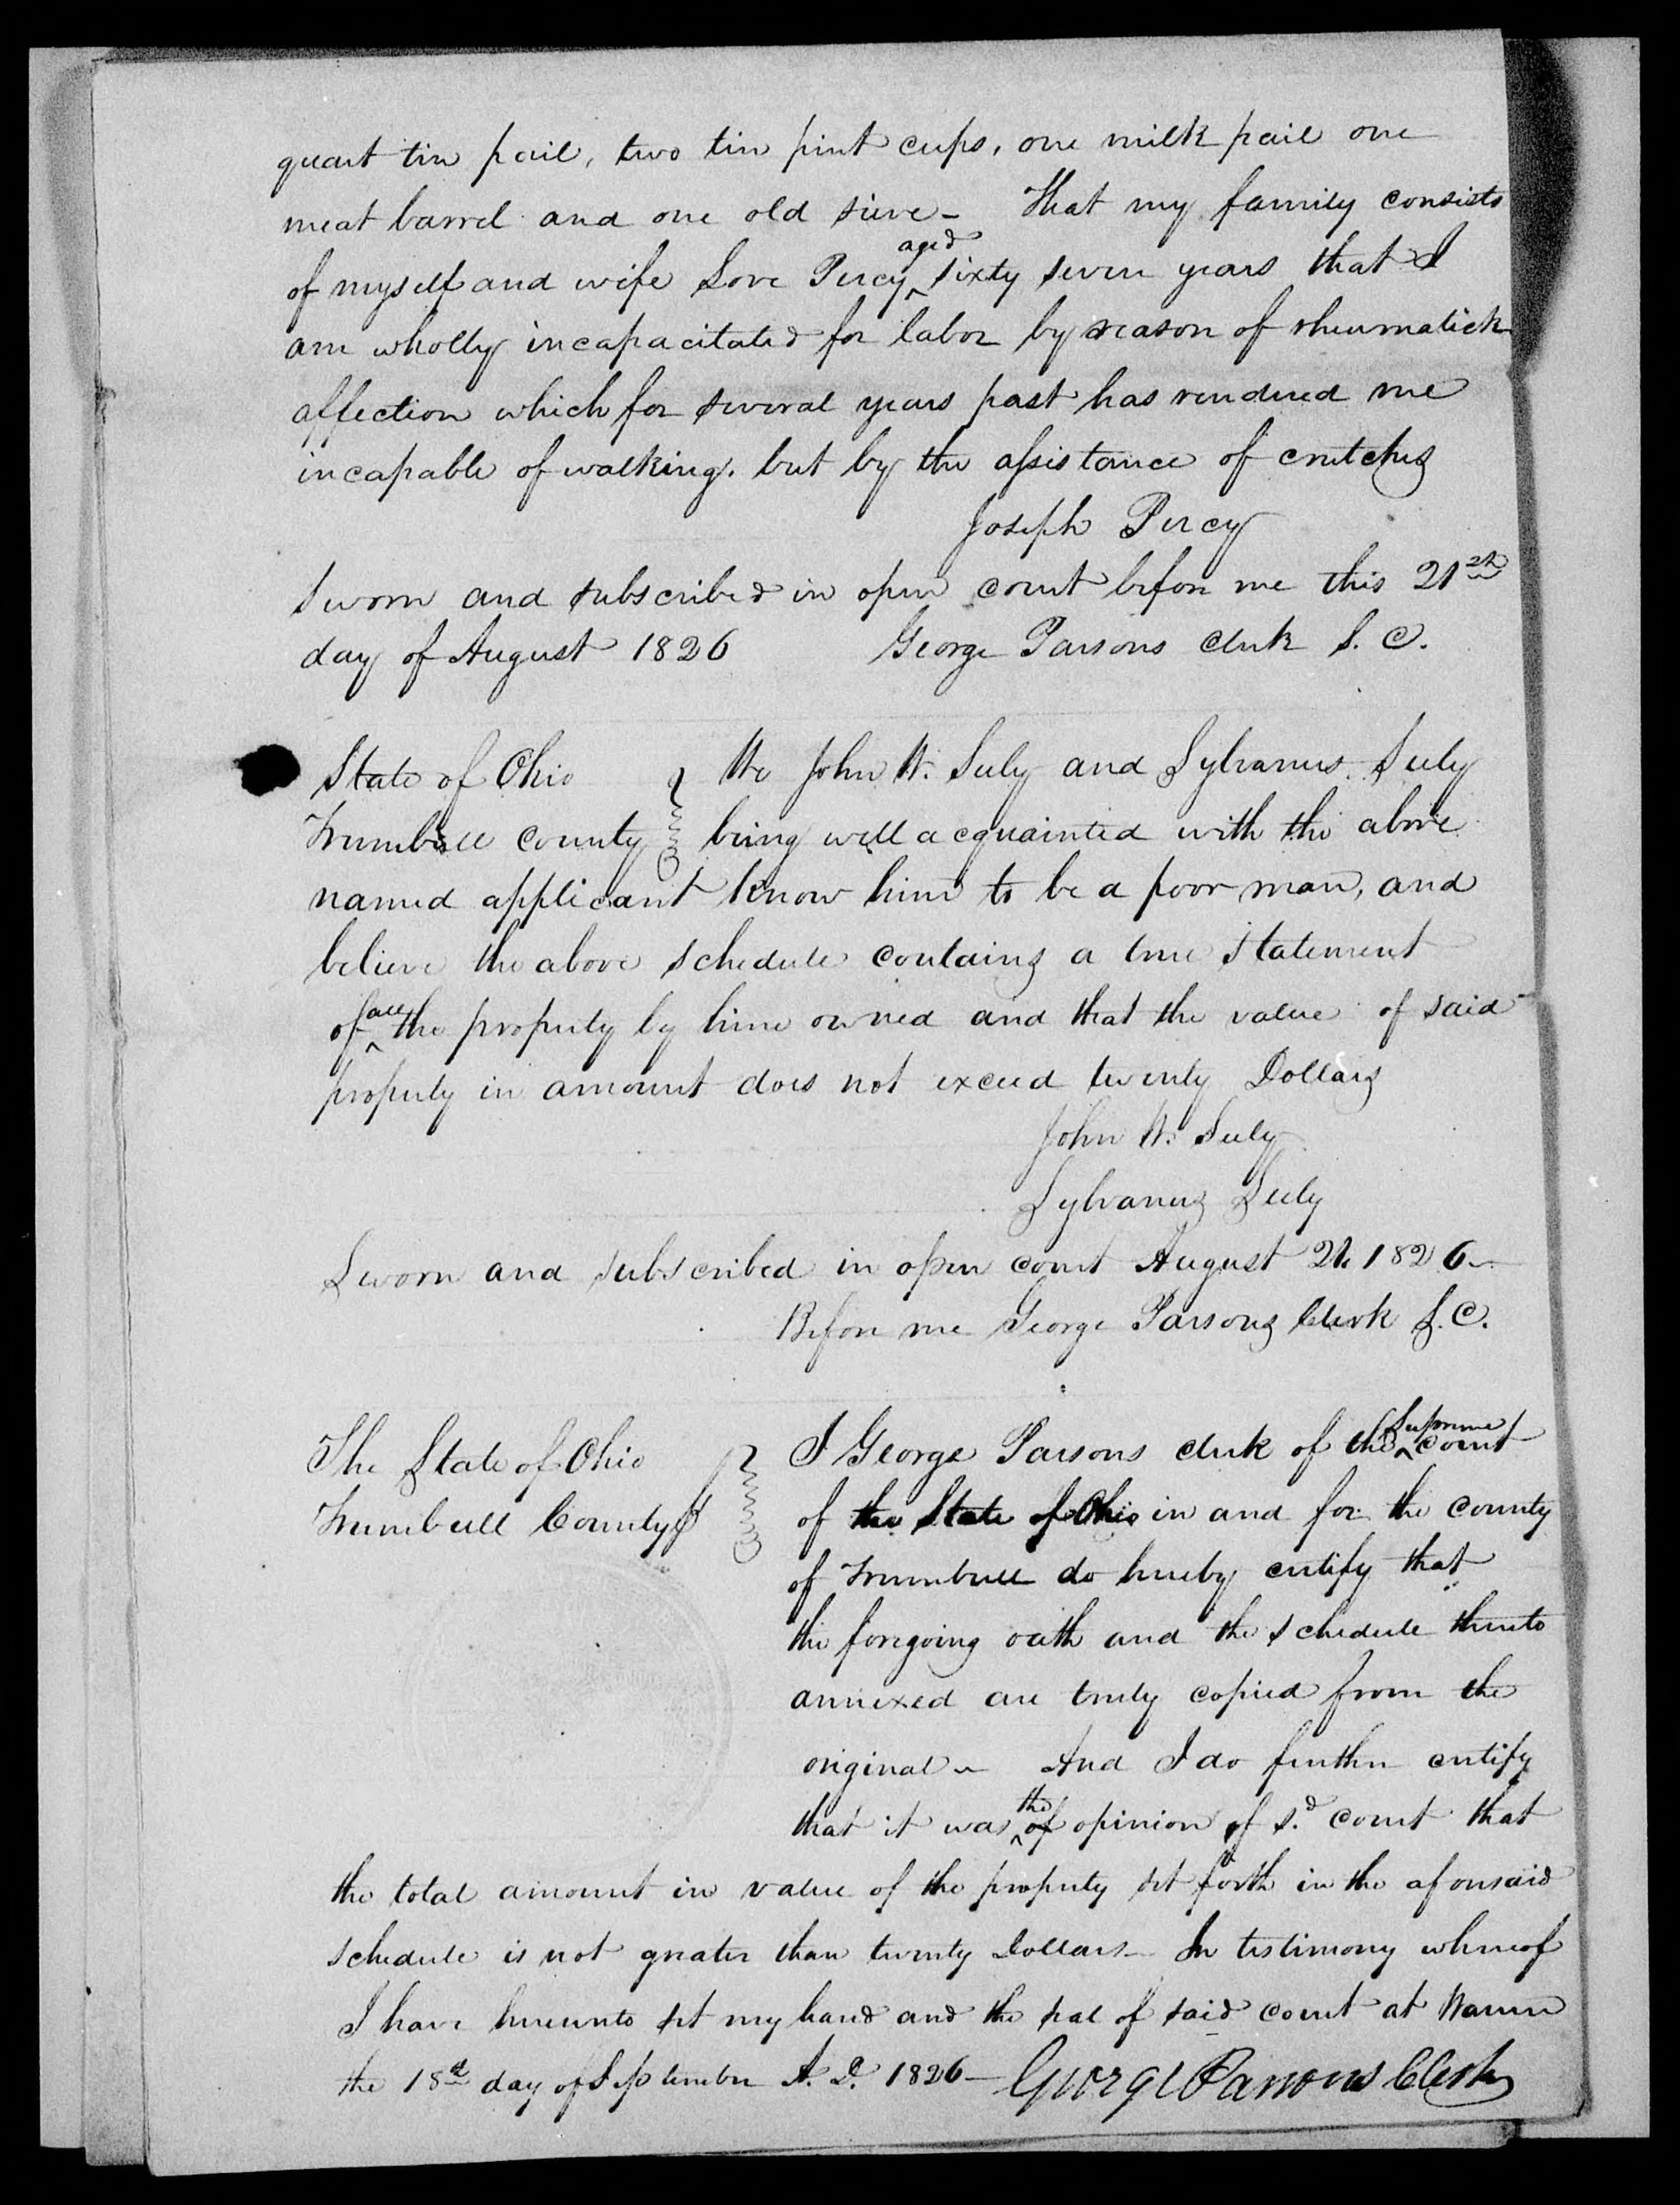quart tin pail, two tin pint cups, one milk pail one meat barrel and one old sieve.  That my family consists of myself and wife  Love Percy aged sixty seven years that I am wholly incapacitated for labor by reason of rhumatick affection for several years past has rendered me incapable of walking but by the assistance of crutches.
                                      Joseph Percy
Sworn and subscribed in open court before me this 21st day of August 1826  
                        George Parsons Clerk S.C.
 
State of Ohio       Mr John W. Suly and Sylvanus 
Trumball County  Suly being well acquainted with the above named applicant know him to be a poor man, and believe the above schedule containing a true statement of all the property by him owned and that the value of said properly in amount does not exceed twenty Dollars
                                      John W. Suly
                                      Sylvanus Suly
Sworn and scubscribed in open court August 21 1826 Before me George Parsons Clerk S.C.

The State of Ohio     I George Parsons clerk of 
Trumbull County      the Supreme Court of the 
                                State of Ohio in and for the 
                                 county of Trumbull  do 
                                 hereby certify that this
                                 foregiving oath and the 
                                 schedule thereto annexed
                                 are truly copied from the
                                 original.  And I do further
                                 certify that it was the 
                                 opinion of s.d court that 
the total amount in value of the property set forth in the aforesaid schedule is not greater than twenty Dollars.  In testimony whereof I have hereunto set my hand and the seal of said court at Warren the 18th day of September A.D. 1826 - George Parsons Clerk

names: John W Suly; Love Percey; Sylvanus Suly; Joseph Percy; George Parsons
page: 4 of 20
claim: rejected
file: R. 17029, for Joseph Percy, Connecticut